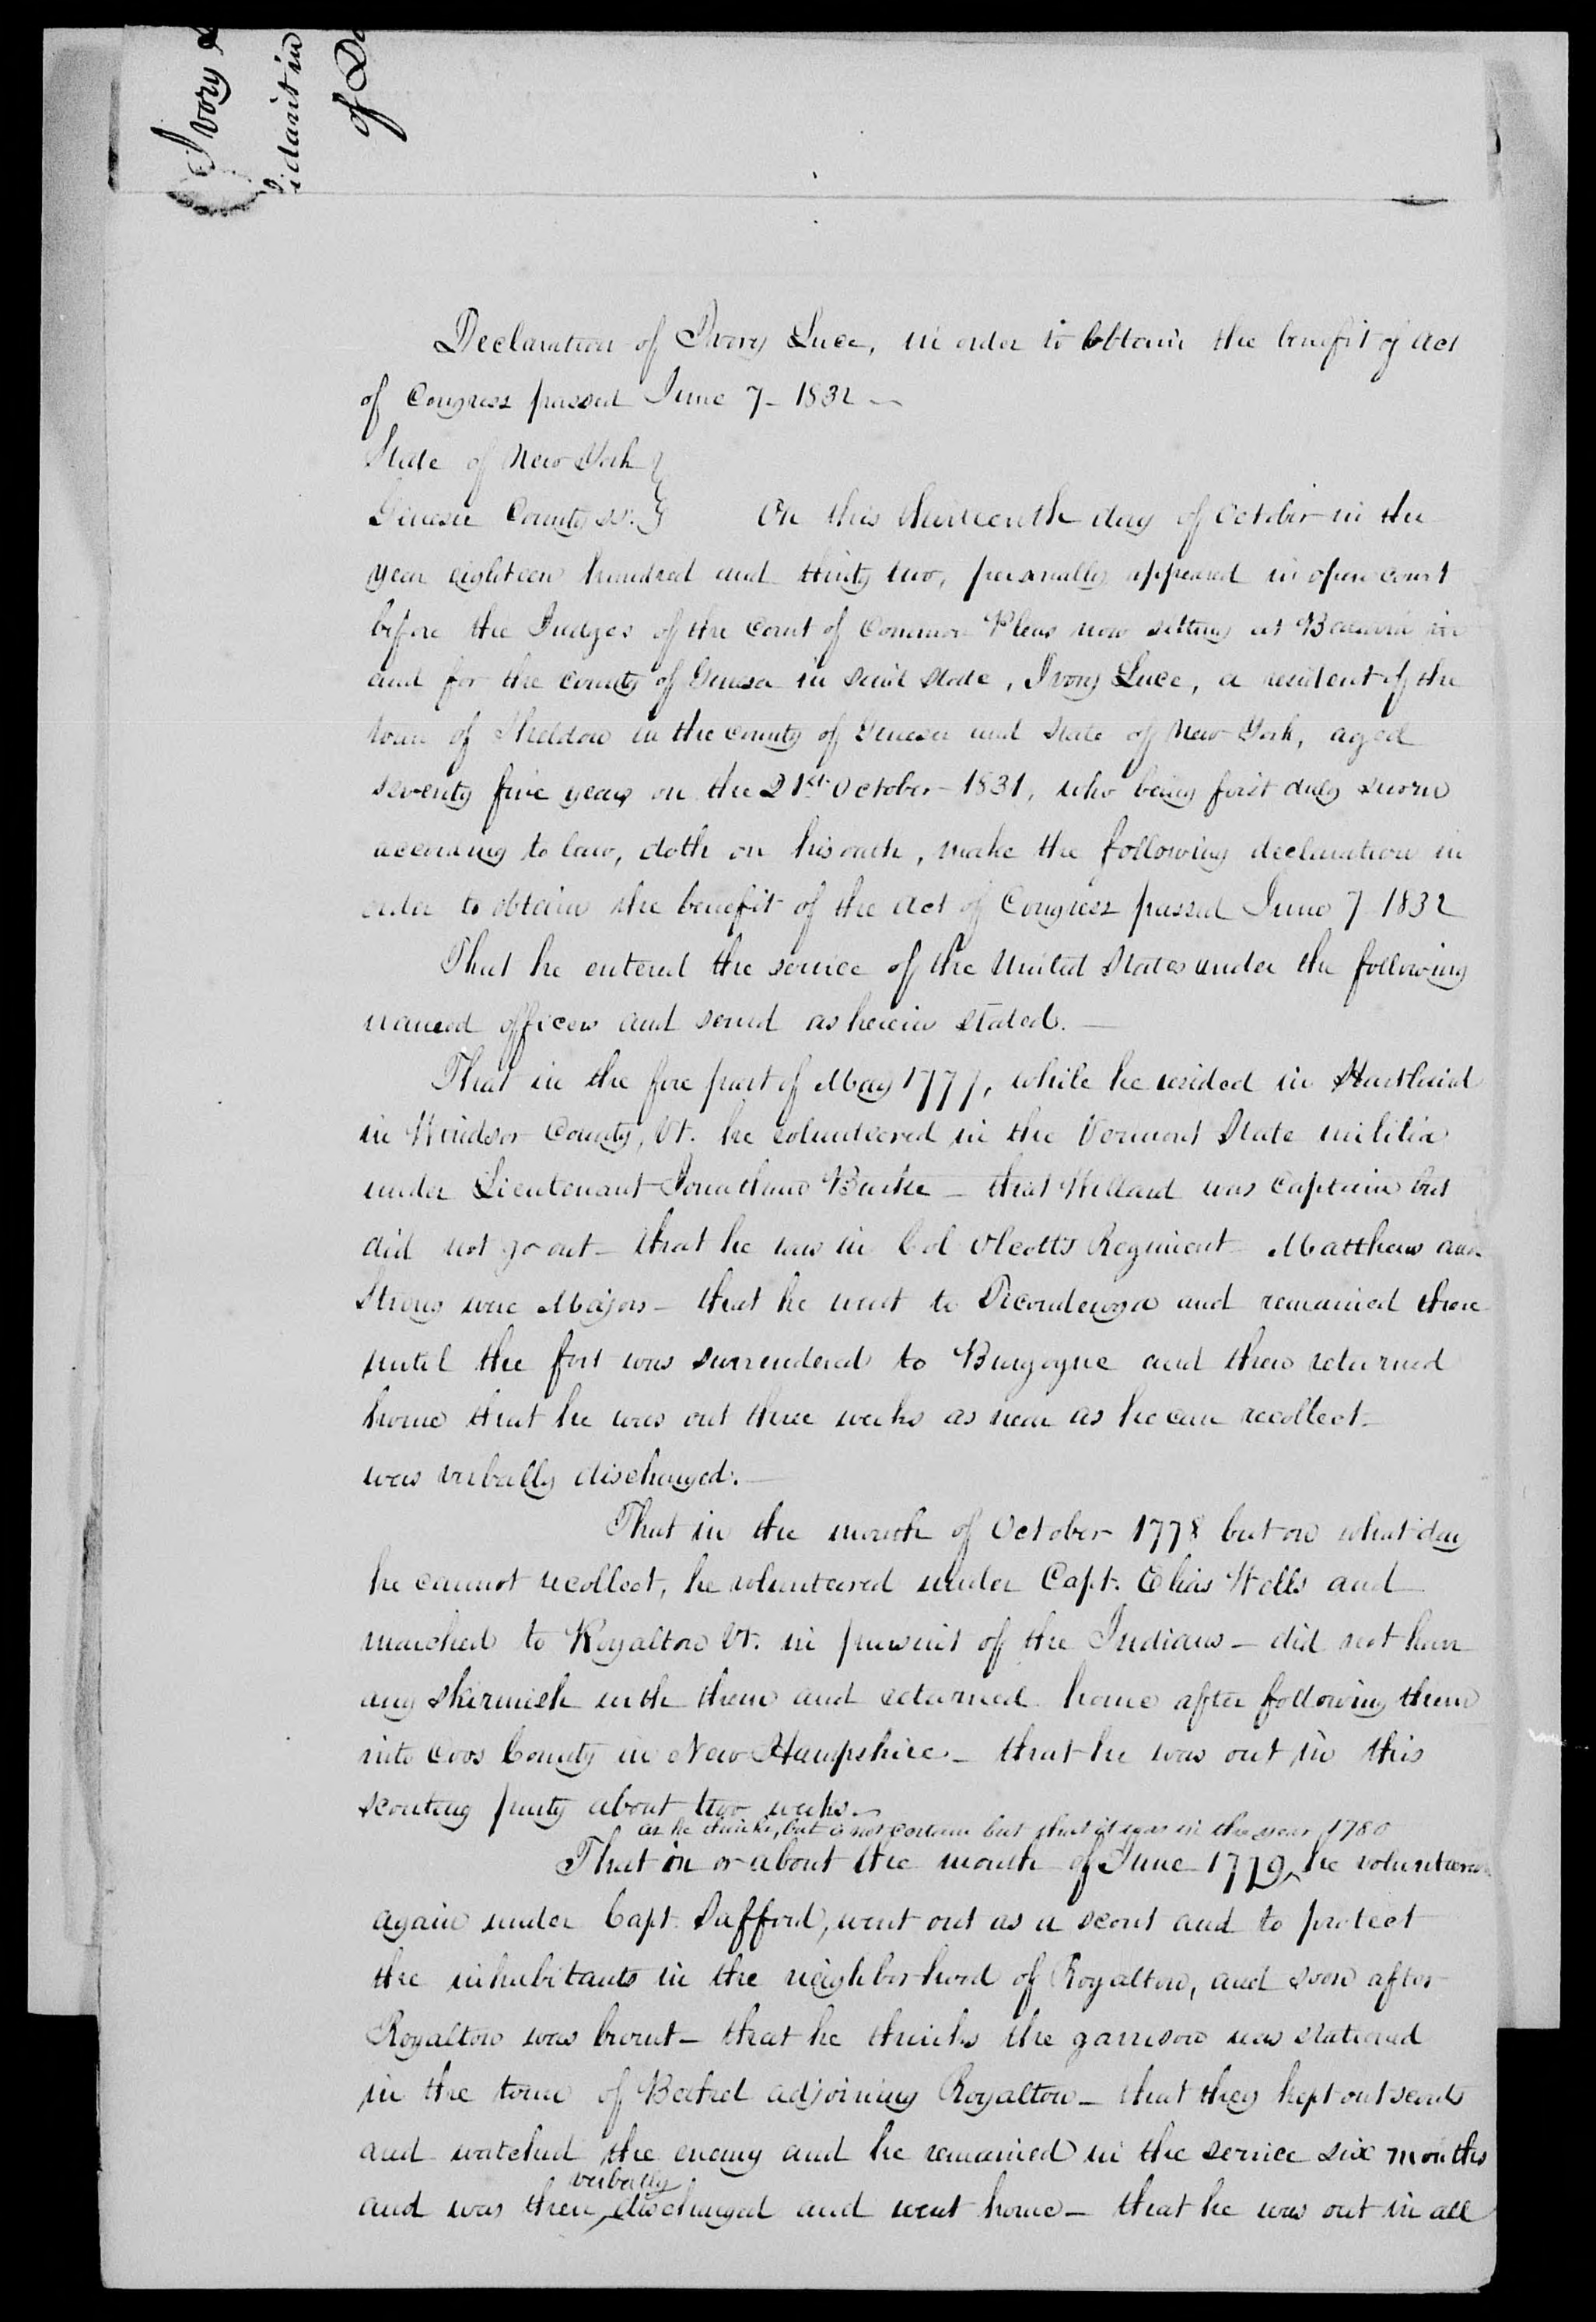Declaration of Ivory Luce, in order to obtain the benefit of Act of Congress passed June 7. 1832 -

State of New York
Genesee County

On this Seventh day of October in the year eighteen hundred and thirty two, personally appeared in open court before the Judges of the Court of Common Pleas now sitting at Batavia in and for the county of Genesee in said state, Ivory Luce, a resident of the town of Sheldon in the county of Genesee and State of New York, aged seventy five years on the 21st October 1831, who being first duly sworn according to law, doth on his oath, make the following declaration in order to obtain the benefit of the Act of Congress passed June 7 1832.

That he entered the service of the United States under the following named officers and served as herein stated.

That in the fore part of May 1777, while he resided in Hartland in Windsor County, VT.  he volunteered in the Vermont State militia under Lieutenant Jonathan Burke - that Willard was Captain but did not go out - that he was in Col Scott's Regiment.  Matthew and Strong were Majors - that he went to Ticonderoga and remained there until the fort was surrendered to Burgoyne and then returned home - that he was out three weeks as near as he can recollect - was verbally discharged.
That in the month of October 1778 but on what day he cannot recollect, he volunteered under Capt. Elias Wells and marched to Royalton Vt.  in pursuit of the Indians - did not have any skirmish with them and returned home after following them into Coos County in New Hampshire - that he was out in this scouting party about two weeks.

That in or about the month of June 1779 [inserted] as he thinks, but is not certain but that it was in the year 1780 [end inserted] he volunteered again under Cap. Safford, went out as a scout and to protect the inhabitants in the neighborhood of Royalton, and soon after Royalton was burnt - that he thinks the garrison was slatered in the town of Bethel adjoining Royalton - that they kept outside and watched the enemy and he remained in the service six months and was then verbally discharged and went home - that he was out in all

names: [BLANK] Burgoyne; [BLANK] Strong; Matthew [BLANK]; Ivory Luce; [BLANK] Willard; [BLANK] Safford; Jonathan Burke; Elias Wells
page: 53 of 70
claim: rejected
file: R. 6510, for Israel Luce, New York